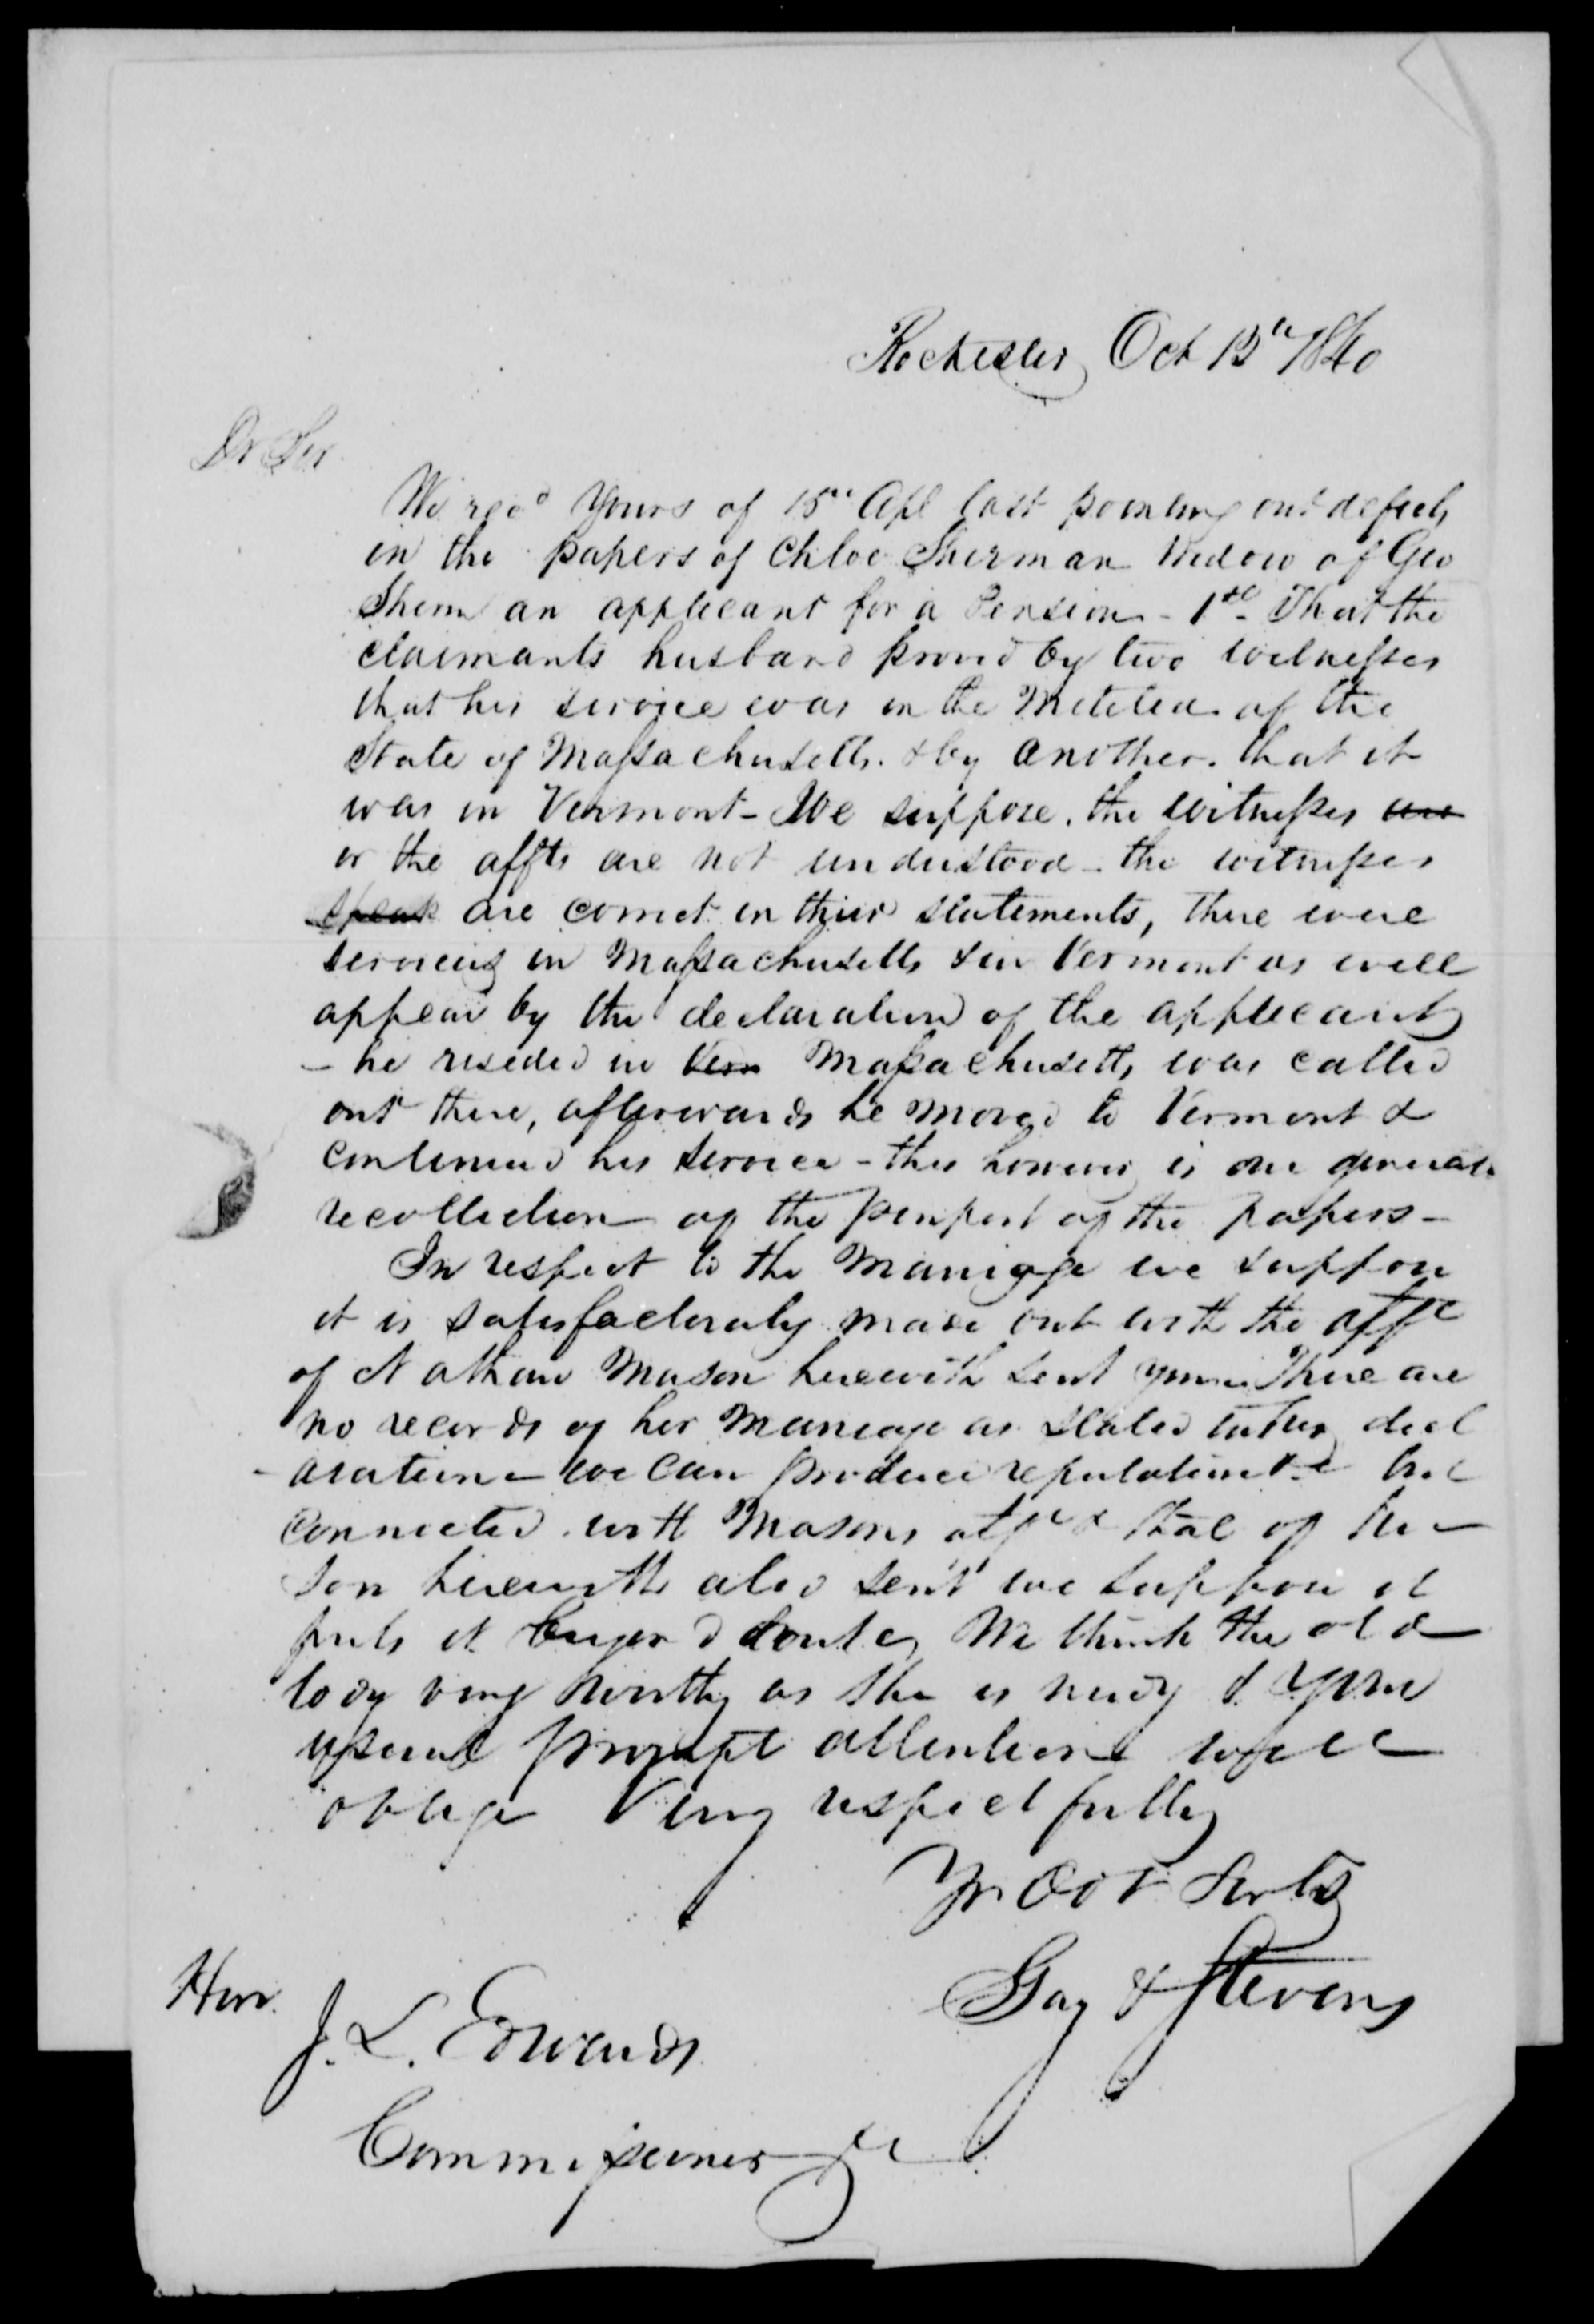Rochester Oct 13th 1840
We recd yours of 15 Apl last poling on defects
in the papers of Chloe Sherman Widow of Geo
Sherman applicant for a Pension. 1st That the
claimants husband proved by two witnesses
that his service was in the militia of the
State of Massachusetts & by another that it
was in Vermont. We suppose the witnesses
of the affts are not understood the witnesses
speak are correct in their statements, there were
services in Massachusetts & in Vermont as well
appear by the declaration of the applicant
he resided in the Massachusett was called
out there, afterwards he moved to Vermont &
continued his service - this however is one general
recollection of the purport of the papers
In respect to the marriage we suppose
it is satisfactorily made out with the affi
of Nathan Mason herewith first year there are
no record of her marriage as stated to her del
aration we can produce reputation he
connected with Masons at that of the
Son herewith also sent we support
puts it been done, we think the old
body bing monthy as she is pay you
upon precept attention will
oblige ving respectfully
&
Obt Sert
L. Townes
Gay & Stevens
Commissioner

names: Chloe Sherman; [BLANK] Gay; Nathan Mason; J L Edwards; [BLANK] Mason; Geo Sherman; [BLANK] Stevens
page: 41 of 52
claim: rejected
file: R. 9493, for George Sherman, Vermont